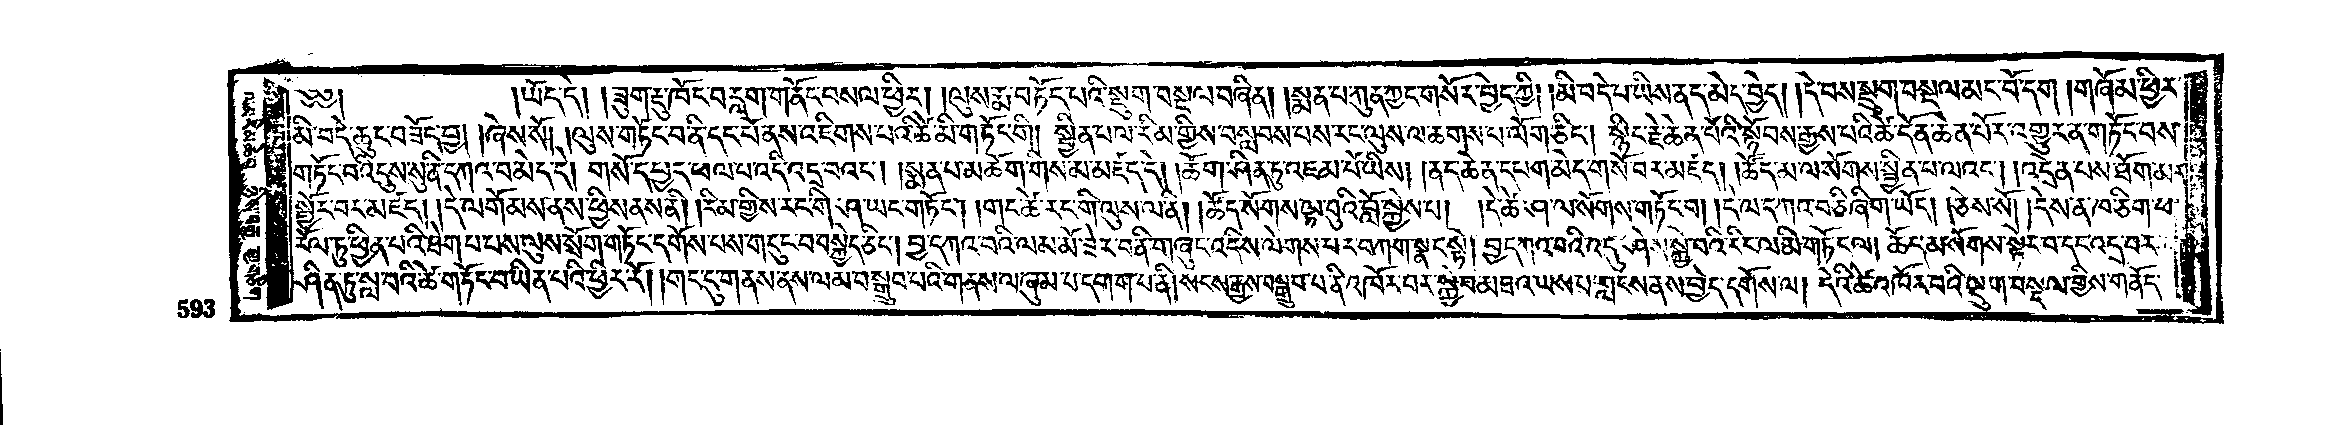༄༅། །ཡོད་དེ། །ཟུག་རྔུ་ཁོང་བརླག་གནོད་བསལ་ཕྱིར། །ལུས་རྨ་བཏོད་པའི་སྡུག་བསྔལ་བཞིན། །སྨན་པ་ཀུན་ཀྱང་གསོར་བྱེད་ཀྱི། །མི་བདེ་བ་ཡིས་ནད་མེད་བྱེད། །དེ་བས་སྡུག་བསྔལ་མང་པོ་དག །གཞོམ་ཕྱིར་
མི་བདེ་ཆུང་བཟོད་བྱ། །ཞེས་སོ། །ལུས་གཏོང་བ་ནི་དང་པོ་ནས་འཇིགས་པའི་ཚེ་མི་གཏོང་གི། སྦྱིན་པ་ལ་རིམ་གྱིས་བསླབས་པས་རང་ལུས་ལ་ཆགས་པ་ལོག་ཅིང་། སྙིང་རྗེ་ཆེན་པོའི་སྟོབས་རྒྱས་པའི་ཚེ་དོན་ཆེན་པོར་འགྱུར་ན་གཏོང་བས་
གཏོང་བའི་དུས་སུ་ནི་དཀའ་བ་མེད་དེ། གསོ་དཔྱད་ཕལ་པ་འདི་འདྲ་བའང་། །སྨན་པ་མཆོག་གིས་མ་མཛད་དེ། །ཆོ་ག་ཤིན་ཏུ་འཇམ་པོ་ཡིས། །ནད་ཆེན་དཔག་མེད་གསོ་བར་མཛད། །ཚོད་མ་ལ་སོགས་སྦྱིན་པ་ལའང་། །འདྲེན་པས་ཐོག་མར་
སྦྱོར་བར་མཛད། །དེ་ལ་གོམས་ནས་ཕྱིས་ནས་ནི། །རིམ་གྱིས་རང་གི་ཤ་ཡང་གཏོང་། །གང་ཚེ་རང་གི་ལུས་ལ་ནི། །ཚོད་སོགས་ལྟ་བུའི་བློ་སྐྱེས་པ། །དེ་ཚེ་ཤ་ལ་སོགས་གཏོང་བ། །དེ་ལ་དཀའ་བ་ཅི་ཞིག་ཡོད། །ཅེས་སོ། །དེས་ན་ཁ་ཅིག་ཕ་
རོལ་ཏུ་ཕྱིན་པའི་ཐེག་པ་པས་ལུས་སྲོག་གཏོང་དགོས་པས་གདུང་བ་བསྐྱེད་ཅིང་། བྱ་དཀའ་བའི་ལམ་མོ་ཟེར་བ་ནི་གཞུང་འདིས་ལེགས་པར་བཀག་སྣང་སྟེ། བྱ་དཀའ་བའི་འདུ་ཤེས་སྐྱེ་བའི་རིང་ལ་མི་གཏོང་ལ། ཚོད་མ་སོགས་སྟེར་བ་དང་འདྲ་བར་
ཤིན་ཏུ་སླ་བའི་ཚེ་གཏོང་བ་ཡིན་པའི་ཕྱིར་རོ། །གང་དུ་གནས་ནས་ལམ་བསྒྲུབ་པའི་གནས་ལ་ཞུམ་པ་དགག་པ་ནི། སངས་རྒྱས་བསྒྲུབ་པ་ནི་འཁོར་བར་སྐྱེ་བ་མཐའ་ཡས་པ་བླངས་ནས་བྱེད་དགོས་ལ། དེའི་ཚེ་འཁོར་བའི་སྡུག་བསྔལ་གྱིས་གནོད་